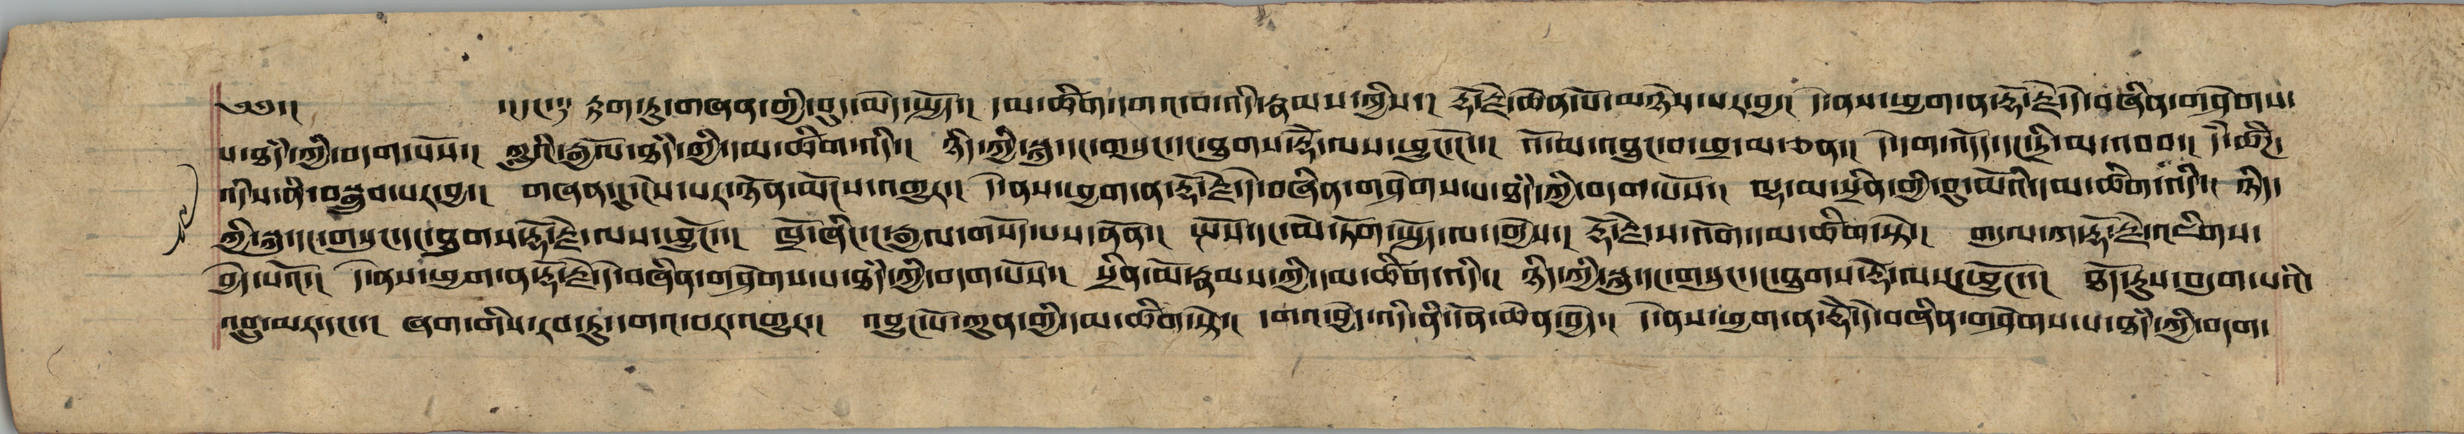༄༅་། ་།དང་༑ རྟག་ཏུ་གཞན་གྱི་བུད་མེད་སྤྱོད་། དམ་ཚིག་དགའ་བ་འདི་རྣམས་ཀྱིས་། རྡོ་རྗེ་ཆེན་པོ་མཉེས་པར་བྱ་། དེ་ནས་ཕྱག་ན་རྡོ་རྗེ་དེ་བཞིན་གཤེགས་
པ་ཐཾད་ཀྱི་བདག་པོས་། ཀླུའི་རྒྱལོ་ཐཾད་ཀྱི་དམ་ཚིག་འདི་། ཉིད་ཀྱི་སྐུ་དང་གསུང་དང་ཐུགས་རྡོེ་ལས་ཕྱུང་ངོ་་། འོ་མ་འབྱུང་བ་ཕྲ་མ་ཅན་། དེ་དག་འདོད་དང་དྲི་མ་འབབ་། དཾ་ཚིཌ་
འདིས་ནི་བསྒྲུབ་པར་བྱ་། གཞན་དུ་ངེས་པར་ཉོན་མོངས་འགྱུར་། དེ་ནས་ཕྱག་ན་རྡོ་རྗེ་དེ་བཞིན་གཤེགས་པ་ཐཾད་ཀྱི་བདག་པོས་། ལྷ་མ་སྲིན་གྱི་བུ་མོའི་དམ་ཚིག་འདི་། ཉིད་
ཀྱི་སྐུ་དང་གསུང་དང་ཐུགས་རྡོ་རྗེ་ལས་ཕྱུངོ་་། ཁྲོ་ཞིང་ང་རྒྱལ་གསོད་པས་ནོན་། སྤོས་དང་མེ་ཏོག་སྤྱོད་ལ་དགྱེས་། རྡོ་རྗེ་ས་འོག་དམ་ཚིག་སྟེ་། གདུལ་ཀ་རྡོ་རྗེ་འཇིགས་
བྱེད་པའོ་། དེ་ནས་ཕྱག་ན་རྡོ་རྗེ་དེ་བཞིན་གཤེགས་པ་ཐཾད་ཀྱི་བདག་པོས་། སྲིན་མོ་རྣམས་ཀྱི་དམ་ཚིག་འདི་། ཉིད་ཀྱི་སྐུ་དང་གསུང་དང་ཐུགས་རྡོེ་ལས་ཕྱུངོ་་། ཐོད་རུས་བདུག་པའི་
འབྲུ་མར་དང་་། ཞག་གིས་རབ་ཏུ་དགའ་བར་འགྱུར་། འབྱུང་པོ་ཀུན་གྱི་དམ་ཚིག་སྟེ་། དགའ་བྱེད་འདི་ནི་དོན་ཆེན་བྱེད་། དེ་ནས་ཕྱག་ན་རྡོེ་དེ་བཞིན་གཤེགས་པ་ཐཾད་ཀྱི་བདག་